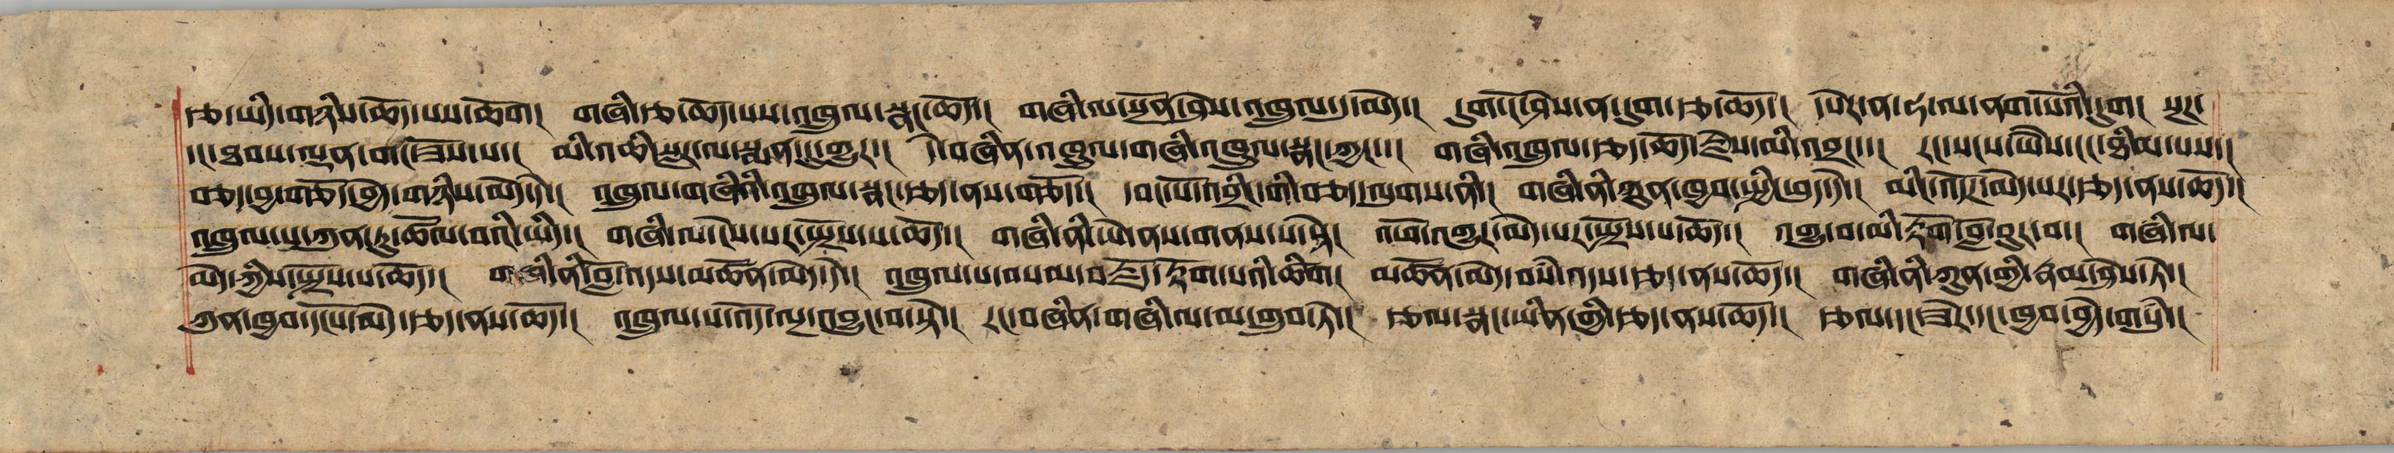རྩ་ཡིད་གཉིས་ཆོད་པས་ཆོག། གཞི་རྩ་ཆོད་པས་འཁྲུལ་སྣང་ཆོད་། གཞི་ལ་སྔོན་ཤེས་འཁྲུལ་དུ་མེད་། དུག་ངོ་ཤེས་ན་དུག་རྩ་ཆོད་། དཔེར་ན་ཧ་ལ་ནག་པོའི་དུག། སྔཌ་
དང་ཐབས་ལྡན་གང་ཟོས་པ་། མི་འཆི་སླར་ལ་སྨན་དུ་གྱུར་། དེ་བཞིན་འཁྲུལ་གཞི་འཁྲུལ་སྣང་ཀྱང་་། གཞི་འཁྲུལ་རྩད་ཆོད་རྗེས་མི་འབྲང་་། རང་སངས་ཡཻས་ངང་ཐིམ་པས་།
བཅད་བྱ་གཅོད་བྱེད་གཉིས་མེད་དེ་། འཁྲུལ་གཞིའི་འཁྲུལ་སྣང་རྩད་ནས་གཅོད་། དབང་པོ་འབྲིང་གི་བཅད་ལུགས་ནི་། གཞི་ནི་ཀུན་ཁྱབ་སྤྱི་ཕུད་དེ་། མིང་འདོཌ་མེད་པར་རྩད་ནས་ཆོད་།
འཁྲུལ་པ་ཀུན་ཏུ་ཚོལ་བའི་ཡིད་། གཞི་ལ་ངེས་པར་སྤྲོས་པ་ཆོད་། གཞི་ནི་ཡེ་ནས་གནས་པ་སྟེ་། འཕོ་འགྱུར་མེད་པར་སྤྲོས་པ་ཆོད་། འགྱུ་བ་མི་རྟོག་བློ་བུར་བ་། གཞི་ལ་
མེད་ཀྱིས་སྤྲོས་པ་ཆོད་། གཞི་ནི་བློ་འདས་མཚོན་མེད་དེ་། འཁྲུལ་པ་བསམ་བརྗོད་རྟོག་པའི་ཚིག། མཚོན་མེད་བསཾ་འདས་རྩད་ནས་ཆོད་། གཞི་ནི་ཀུན་གྱི་རྣམ་ཤེས་ཏེ་།
ཀུན་ཁྱབ་དངོས་མེད་རྩད་ནས་ཆོད་། འཁྲུལ་པ་འོད་ལྔ་འབྱུང་བ་སྟེ་། རང་བཞིན་གཞི་ལ་མ་གྲུབ་ཏེ་། རྩལ་སྣང་ཡིན་གྱི་རྩད་ནས་ཆོད་། རྩལ་དང་ཟེར་དང་ཁྱབ་བྱེད་གསུཾ་།